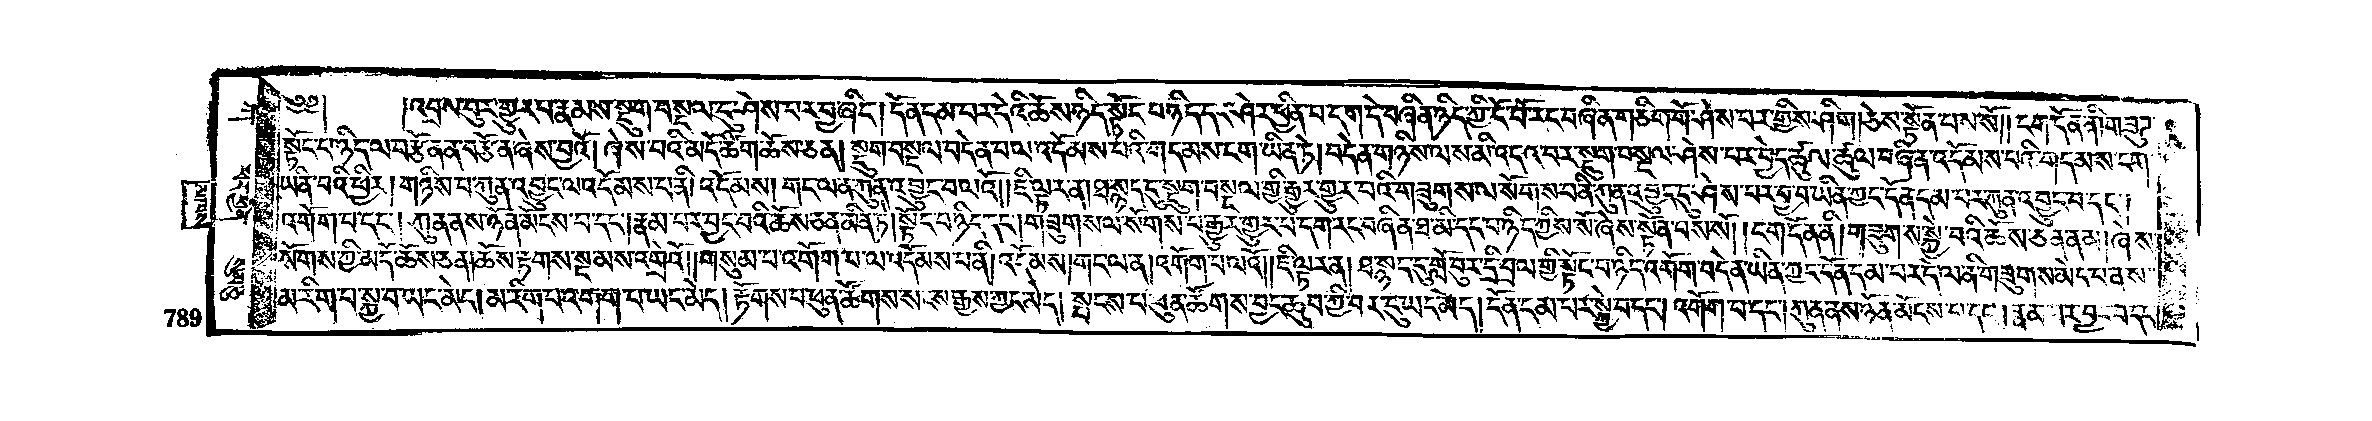༄༅། །འབྲས་བུར་གྱུར་པ་རྣམས་སྡུག་བསྔལ་དུ་ཤེས་པར་བྱ་ཞིང་། དོན་དམ་པར་དེའི་ཆོས་ཉིད་སྟོང་པ་ཉིད་དང་ཤེས་ཕྱིན་པ་དག་དེ་བཞིན་ཉིད་ཀྱི་ངོ་བོ་རང་བཞིན་གཅིག་གོ་ཤེས་པར་གྱིས་ཤིག། ཅེས་སྟོན་པས་སོ། །ངག་དོན་ནི། གཟུགས་
སྟོང་པ་ཉིད་ལ་བརྩོན་ན་བརྩོན་ཞེས་བྱའོ། །ཞེས་པའི་མདོ་ཚིག་ཆོས་ཅན། སྡུག་བསྔལ་བདེན་པ་ལ་འདོམས་པའི་གདམས་ངག་ཡིན་ཏེ། བདེན་གཉིས་ལས་མི་འདའ་བར་སྡུག་བསྔལ་ཤེས་པར་བྱེད་ཚུལ་ཚུལ་བཞིན་འདོམས་པའི་གདམས་ངག་
ཡིན་པའི་ཕྱིར། གཉིས་པ་ཀུན་འབྱུང་ལ་འདོམས་པ་ནི། འདོམས། གང་ལན་ཀུན་འབྱུང་བ་ལའོ། །ཇི་ལྟར་ན། ཐ་སྙད་དུ་སྡུག་བསྔལ་གྱི་རྒྱུར་གྱུར་བའི་གཟུགས་ལ་སོགས་པ་ནི་ཀུན་འབྱུང་དུ་ཤེས་པར་བྱ་བ་ཡིན་ཀྱང་དོན་དམ་པར་ཀུན་འབྱུང་བ་དང་།
འགོག་པ་དང་། ཀུན་ནས་ཉོན་མོངས་པ་དང་། རྣམ་པར་བྱང་བའི་ཆོས་ཅན་མིན་ཏེ། སྟོང་པ་ཉིད་དང་། གཟུགས་ལ་སོགས་པ་རྒྱུར་གྱུར་པ་དག་རང་བཞིན་ཐ་མི་དད་པ་ཉིད་ཀྱིས་སོ་ཞེས་སྟོན་པས་སོ། །ངག་དོན་ནི། གཟུགས་སྐྱེ་བའི་ཆོས་ཅན་ནམ། ཞེས་
སོགས་ཀྱི་མདོ་ཆོས་ཅན། ཆོས་རྟགས་སྔ་མས་འགྲེའོ། །གསུམ་པ་འགོག་པ་ལ་འདོམས་པ་ནི། འདོམས། གང་ལ་ན། འགོག་པ་ལའོ། །ཇི་ལྟར་ན། ཐ་སྙད་དུ་གློ་བུར་དྲི་བྲལ་གྱི་སྟོང་པ་ཉིད་འགོག་བདེན་ཡིན་ཀྱང་དོན་དམ་པར་དེ་ལ་ནི་གཟུགས་མེད་པ་ནས་
མ་རིག་པ་སྐྱེ་བ་ཡང་མེད། མ་རིག་པ་འགག་པ་ཡང་མེད། རྟོགས་པ་ཕུན་ཚོགས་སྔས་རྒྱས་ཀྱང་མེད། སྤངས་པ་ཕུན་ཚོགས་བྱང་ཆུབ་ཀྱི་བར་དུ་ཡང་མེད། དོན་དམ་པར་སྐྱེ་བ་དང་། འགོག་པ་དང་། ཀུན་ནས་ཉོན་མོངས་པ་དང་། རྣམ་པར་བྱང་བ་དང་